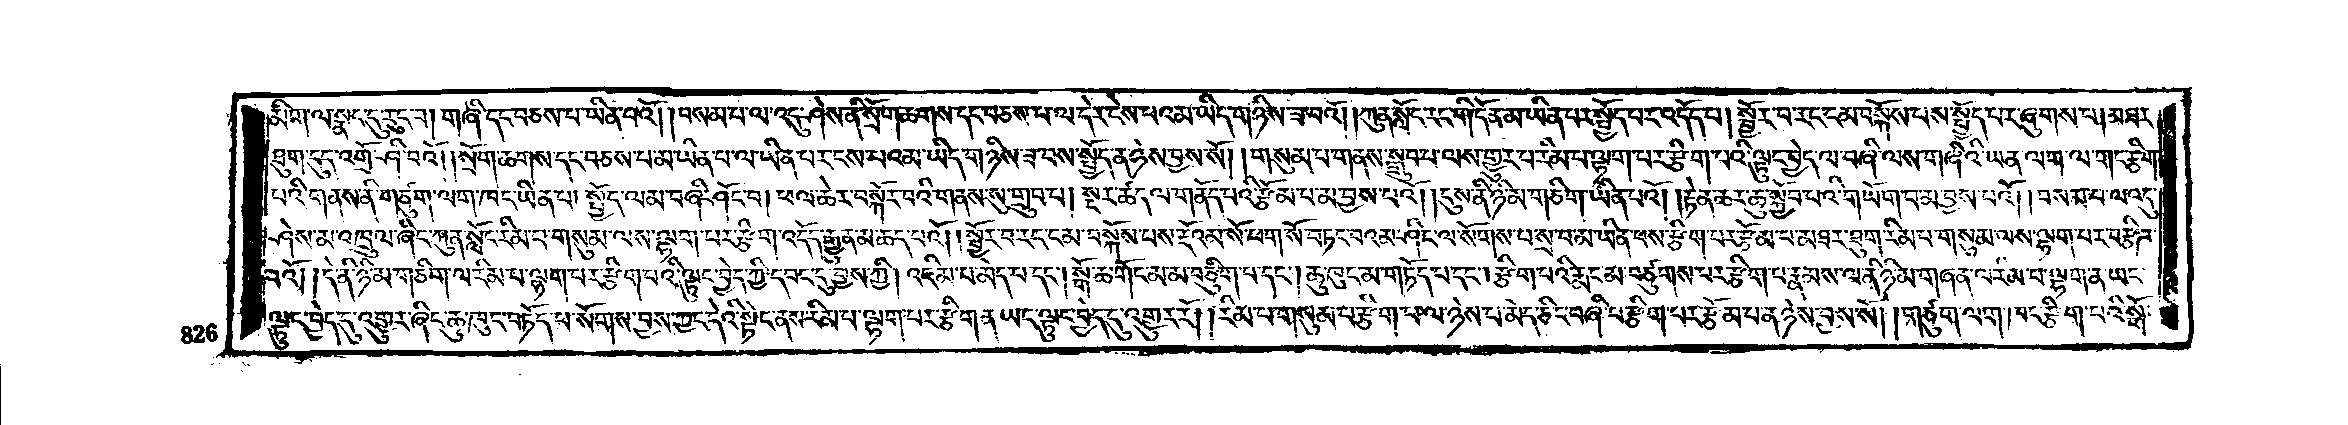མིག་ལ་སྣང་དུ་རུང་བ། གཞི་དང་བཅས་པ་ཡིན་པའོ། །བསམ་པ་ལ་འདུ་ཤེས་ནི་སྲོག་ཆགས་དང་བཅས་པ་ལ་དེར་ངེས་པའམ་ཡིད་གཉིས་ཟ་བའོ། །ཀུན་སློང་རང་གི་དོན་མ་ཡིན་པར་སྤྱོད་པར་འདོད་པ། སྦྱོར་བ་རང་ངམ་བསྐོས་པས་སྤྱོད་པར་ཞུགས་པ། མཐར་
ཐུག་དུད་འགྲོ་ཤི་བའོ། །སྲོག་ཆགས་དང་བཅས་པ་མ་ཡིན་པ་ལ་ཡིན་པར་ངས་པའམ་ཡིད་གཉིས་ཟ་བས་སྤྱོད་ན་ཉེས་བྱས་སོ། །གསུམ་པ་གནས་སྒྲུབ་པ་ལས་གྱུར་པ་རིམ་པ་ལྷག་པར་རྩིག་པའི་ལྟུང་བྱེད་ལ་བཞི་ལས་གཞིའི་ཡན་ལག་ལ་གང་རྩིག་
པའི་གནས་ནི་གཙུག་ལག་ཁང་ཡིན་པ། སྤྱོད་ལམ་བཞི་ཤོང་བ། ཕལ་ཆེར་བསྐོར་བའི་གནས་སུ་གྲུབ་པ། སྔར་ཚད་ལ་གནོད་པའི་རྩོམ་པ་མ་བྱས་པའོ། །དུས་ནི་ཉི་མ་གཅིག་ཡིན་པའོ། །རྟེན་ཆར་ཆུ་སྐྱོབ་པའི་གཡོག་པ་མ་བྱས་པའོ། །བསམ་པ་ལ་འདུ་
ཤེས་མ་འཁྲུལ་ཞིང་ཀུན་སློང་རིམ་པ་གསུམ་ལས་ལྷག་པར་རྩིག་འདོད་རྒྱུན་མ་ཆད་པའོ། །སྦྱོར་བ་རང་ངམ་བསྐོས་པས་རྡོའམ་སོ་ཕག་སོ་བཏང་བའམ་ཤིང་ལ་སོགས་པ་སྲ་བ་མ་ཡིན་པས་རྩིག་པར་རྩོམ་པ་མཐར་ཐུག་རིམ་པ་གསུམ་ལས་ལྷག་པར་བརྩིགས་
བའོ། །དེ་ནི་ཉི་མ་གཅིག་ལ་རིམ་པ་ལྷག་པར་རྩིག་པའི་ལྟུང་བྱེད་ཀྱི་དབང་དུ་བྱས་ཀྱི། འཇིམ་པ་མེད་པ་དང་། སྒོ་ཆ་གོང་མ་མ་བཅུ་གཅིག་པ་དང་། ཆུ་ཁུང་མ་གཏོད་པ་དང་། རྩིག་པའི་རྨང་མ་བཙུགས་པར་རྩིག་པ་རྣམས་ལ་ནི་ཉི་མ་གཞན་ལ་རིམ་པ་ལྷག་ན་ཡང་
ལྟུང་བྱེད་དུ་འགྱུར་ཞིང་ཆུ་ཁུང་བཏོད་པ་སོགས་བྱས་ཀྱང་དེའི་སྟེང་ནས་རིམ་པ་ལྷག་པར་རྩིག་ན་ཡང་ལྟུང་བྱེད་དུ་འགྱུར་རོ། །རིམ་པ་གསུམ་པ་རྩིག་པ་ལ་ཉེས་པ་མེད་ཅིང་བཞི་པ་རྩིག་པར་རྩོམ་པ་ན་ཉེས་བྱས་སོ། །གཙུག་ལྷག་ཁང་རྩིག་པའི་སྒོ་